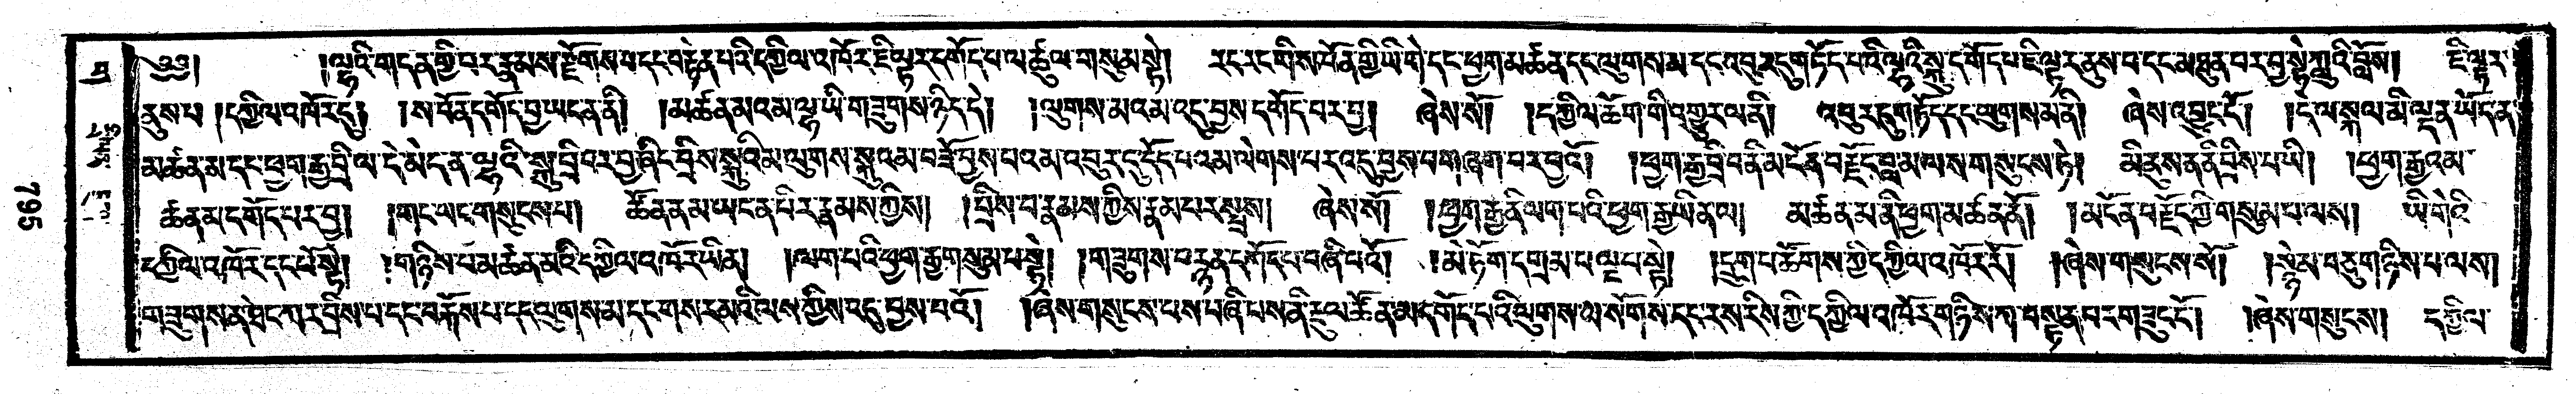༄༅། །ལྷའི་གདན་གྱི་བར་རྣམས་རྫོགས་པ་དང་བརྟེན་པའི་དཀྱིལ་འཁོར་ཇི་ལྟར་དགོད་པ་ལ་ཚུལ་གསུམ་སྟེ། རང་རང་གི་ས་བོན་གྱི་ཡི་གེ་དང་ཕྱག་མཚན་དང་ལུགས་མ་དང་འབུར་དུ་གཏོད་པའི་ལྷའི་སྐུ་དགོད་པ་ཇི་ལྟར་ནུས་པ་དང་མཐུན་པར་བྱ་སྟེ་ཀླུའི་བློས། ཇི་ལྟར་
ནུས་པ་།དཀྱིལ་འཁོར་དུ། །ས་བོན་དགོད་བྱ་ཡང་ན་ནི། །མཚན་མའམ་ལྷ་ཡི་གཟུགས་ཉིད་དེ། །ལུགས་མའམ་འདུ་བྱས་དགོད་པར་བྱ། ཞེས་སོ། །དཀྱིལ་ཆོག་གི་འགྱུར་ལ་ནི། འབུར་དུ་གཏོད་དང་ལུགས་མ་ནི། ཞེས་འབྱུང་ངོ། །དེ་ལ་སྐལ་མི་ལྡན་ཡོད་ན་
མཚན་མ་དང་ཕྱག་རྒྱ་བྲི་ལ་དེ་མེད་ན་ལྷའི་སྐུ་བྲི་བར་བྱ་ཞིང་བྲིས་སྐུའི་མ་ལུགས་སྐུའམ་བཟོ་བྱས་པའམ་འབུར་དུ་དོད་པའམ་ལེགས་པར་འདུ་བྱས་པ་གཞག་པར་བྱའོ། །ཕྱག་རྒྱ་བྲི་བ་ནི་མངོན་བརྗོད་བླ་མ་ལས་གསུངས་ཏེ། མི་ནུས་ན་ནི་བྲིས་པ་ཡི། །ཕྱག་རྒྱའམ་
མཚན་མ་དགོད་པར་བྱ། །གང་ཡང་གསུངས་པ། ཚོན་ནམ་ཡང་ན་པིར་རྣམས་ཀྱིས། །བྲིས་པ་རྣམས་ཀྱིས་རྣམ་པར་སྤྲས། ཞེས་སོ། །ཕྱག་རྒྱ་ནི་ལག་པའི་ཕྱག་རྒྱ་ཡིན་ལ། མཚན་མ་ནི་ཕྱག་མཚན་ནོ། །མངོན་བརྗོད་ཀྱི་གསུམ་པ་ལས། ཡི་གེའི་
དཀྱིལ་འཁོར་དང་པོ་སྟེ། །གཉིས་པ་མཚན་མའི་དཀྱིལ་འཁོར་ཡིན། །ལག་པའི་ཕྱག་རྒྱ་གསུམ་པ་སྟེ། །གཟུགས་བརྙན་དཀོད་པ་བཞི་པའོ། །མེ་ཏོག་དགྲམ་པ་ལྔ་པ་སྟེ། །དྲུག་པ་ཚོགས་ཀྱི་དཀྱིལ་འཁོར་རོ། །ཞེས་གསུངས་སོ། །སྙེམ་བཅུ་གཉིས་པ་ལས།
གཟུགས་ན་ཐེང་ཀར་བྲིས་པ་དང་བརྐོས་པ་དང་ལུགས་མ་དང་གསར་མའི་ལས་ཀྱིས་འདུ་བྱས་པའོ། །ཞེས་གསུངས་པས་བཞི་པས་ནི་རྡུལ་ཚོན་མ་དགོང་པའི་ལུགས་ལ་སོགས་དང་རས་རིས་ཀྱི་དཀྱིལ་འཁོར་གཉིས་ཀ་བསྟན་པར་གཟུང་ངོ། །ཞེས་གསུངས། དཀྱིལ་